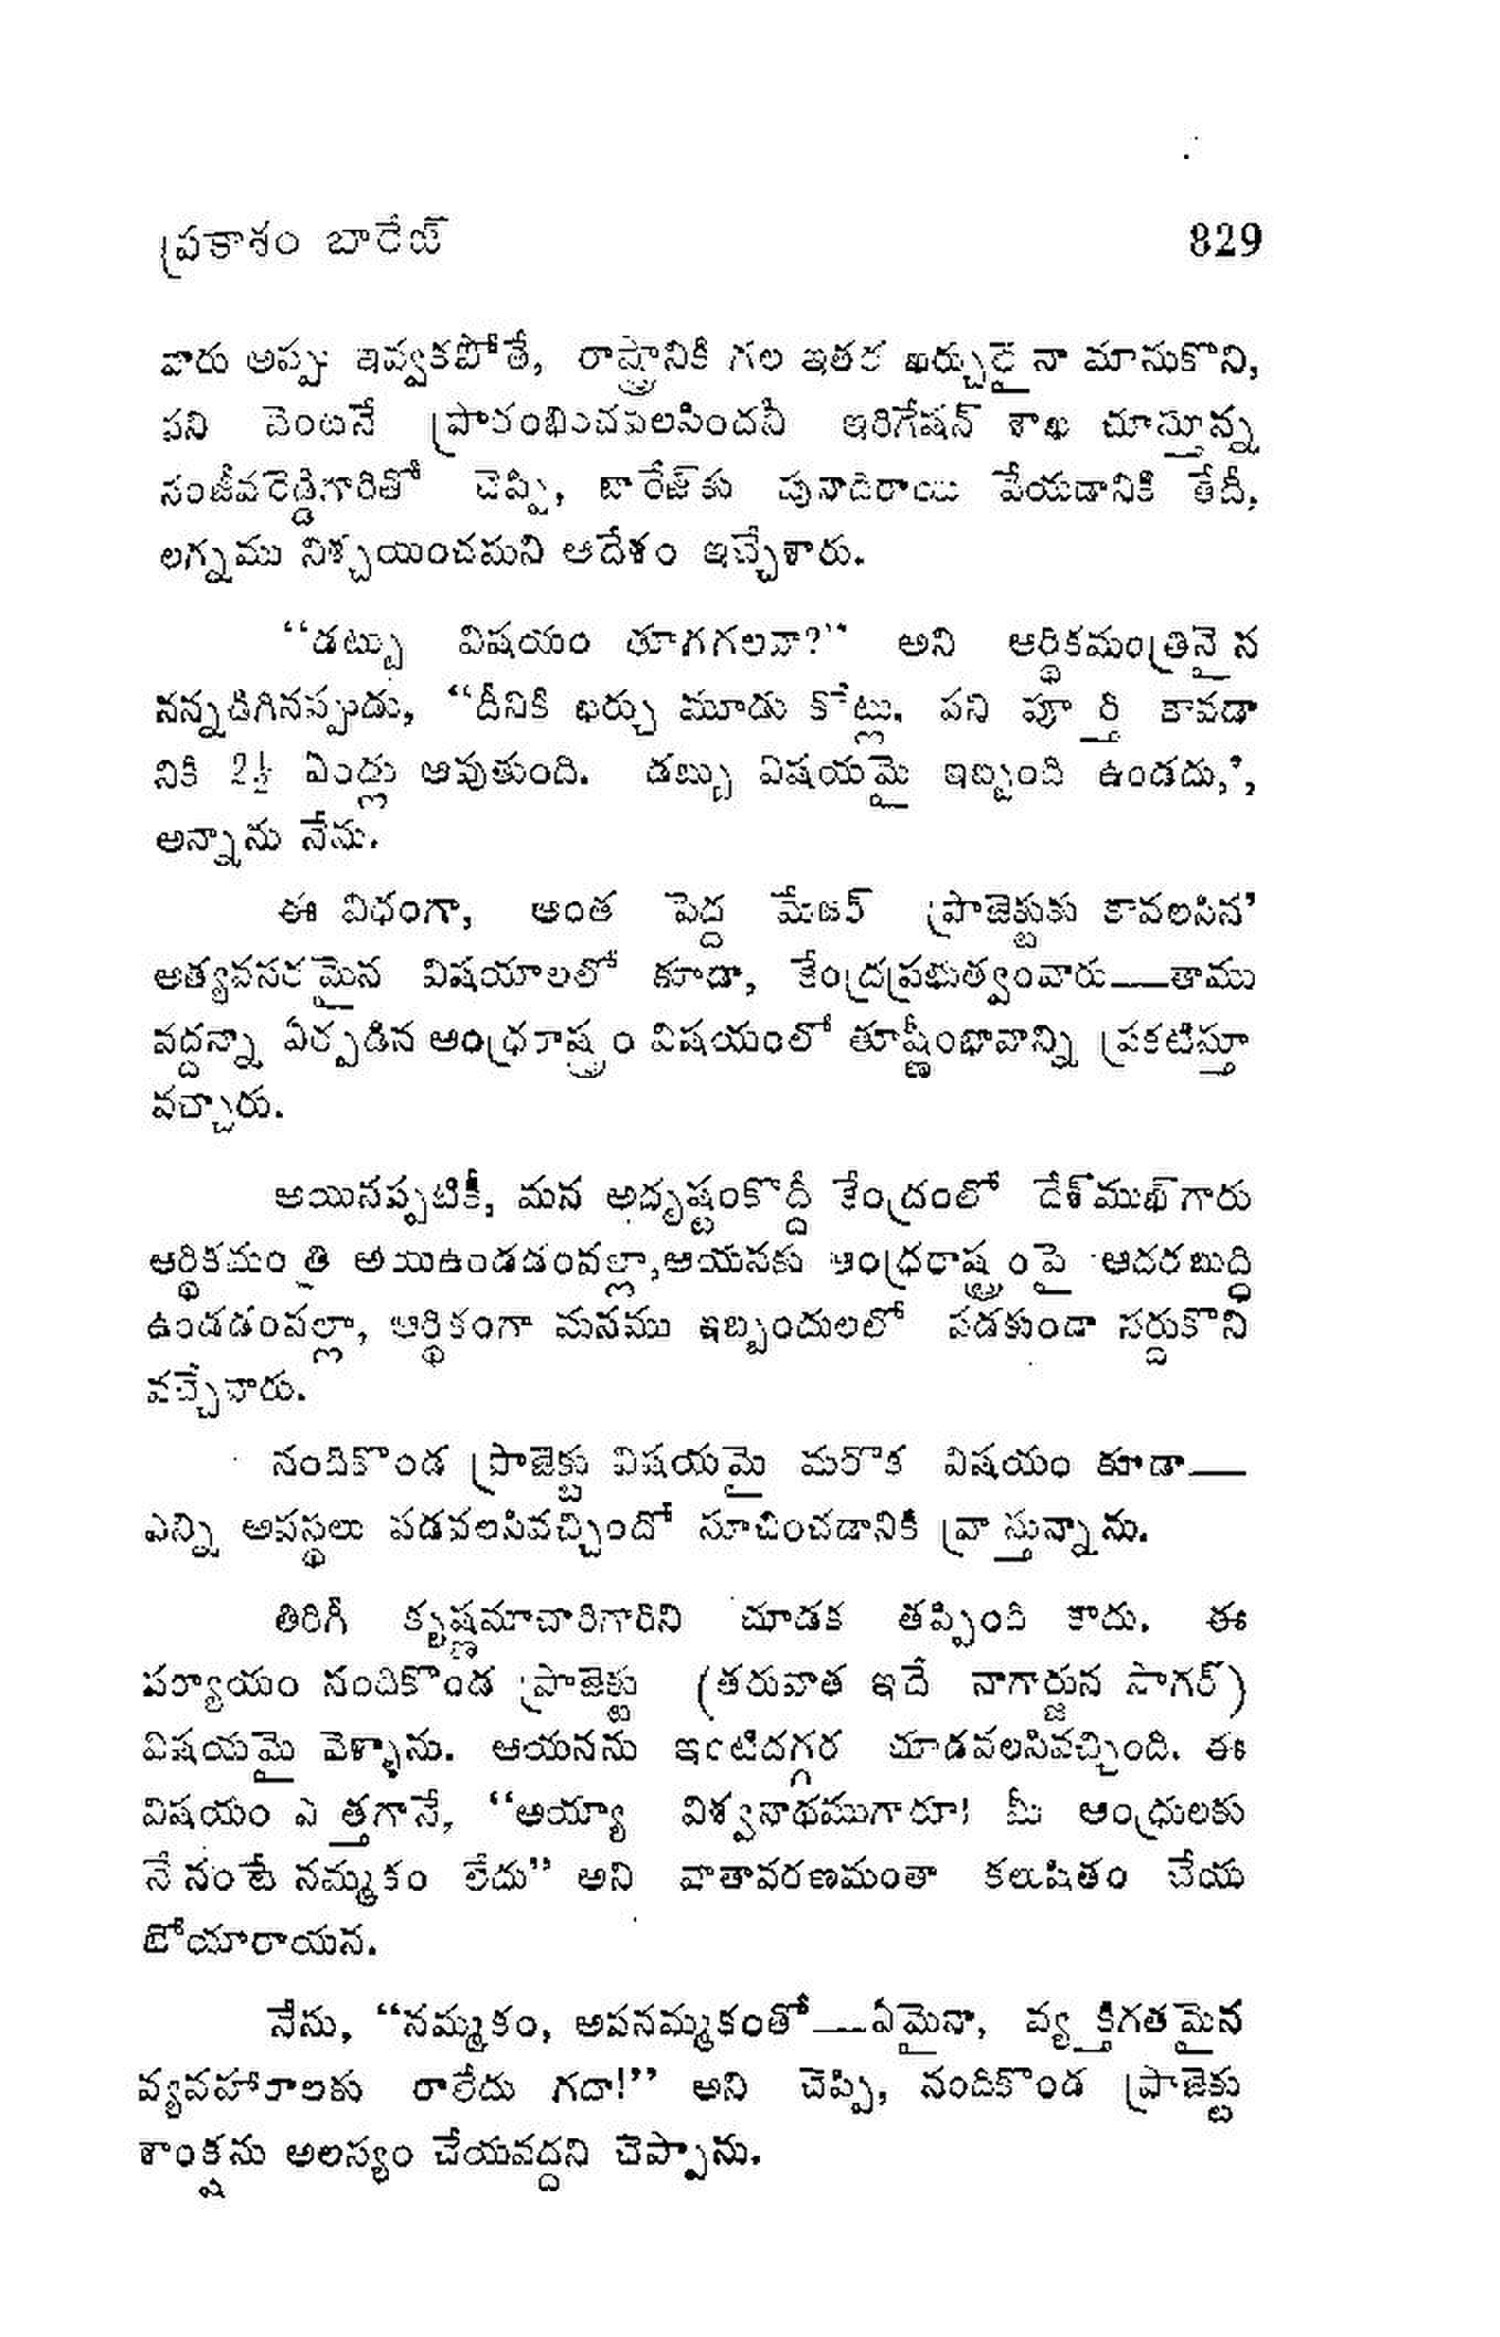వారు అప్పు ఇవ్వకపోతే, రాష్ట్రానికి గల ఇతర ఖర్చులైనా మానుకొని, పని వెంటనే ప్రారంభించవలసిందనీ ఇరిగేషన్ శాఖ చూస్తున్న సంజీవరెడ్డిగారితో చెప్పి, బారేజ్‌కు పునాదిరాయి వేయడానికి తేదీ, లగ్నము నిశ్చయించమని ఆదేశం ఇచ్చేశారు.

"డబ్బు విషయం తూగగలవా?" అని ఆర్థికమంత్రినైన నన్నడిగినప్పుడు, "దీనికి ఖర్చు మూడు కోట్లు. పని పూర్తి కావడానికి 2 1/2 ఏండ్లు అవుతుంది. డబ్బు విషయమై ఇబ్బంది ఉండదు," అన్నాను నేను.

ఈ విధంగా, అంత పెద్ద మేజర్ ప్రాజెక్టుకు కావలసిన అత్యవసరమైన విషయాలలో కూడా, కేంద్రప్రభుత్వంవారు - తాము వద్దన్నా ఏర్పడిన ఆంధ్రరాష్ట్రం విషయంలో తూష్ణీంభావాన్ని ప్రకటిస్తూ వచ్చారు.

అయినప్పటికీ, మన అదృష్టంకొద్దీ కేంద్రంలో దేశ్‌ముఖ్‌గారు ఆర్థికమంత్రి అయిఉండడంవల్లా, ఆయనకు ఆంధ్రరాష్ట్రంపై ఆదరబుద్ధి ఉండడంవల్లా, ఆర్థికంగా మనము ఇబ్బందులలో పడకుండా సర్దుకొని వచ్చేవారు.

నందికొండ ప్రాజెక్టు విషయమై మరొక విషయం కూడా - ఎన్ని అవస్థలు పడవలసివచ్చిందో సూచించడానికి వ్రాస్తున్నాను.

తిరిగీ కృష్ణమాచారిగారిని చూడక తప్పింది కాదు. ఈ పర్యాయం నందికొండ ప్రాజెక్టు (తరువాత ఇదే నాగార్జున సాగర్) విషయమై వెళ్ళాను. ఆయనను ఇంటిదగ్గర చూడవలసివచ్చింది. ఈ విషయం ఎత్తగానే, "అయ్యా విశ్వనాథముగారూ! మీ ఆంధ్రులకు నేనంటే నమ్మకం లేదు" అని వాతావరణమంతా కలుషితం చేయబోయారాయన.

నేను, "నమ్మకం, అపనమ్మకంతో - ఏమైనా, వ్యక్తిగతమైన వ్యవహారాలకు రాలేదు గదా!" అని చెప్పి, నందికొండ ప్రాజెక్టు శాంక్షను ఆలస్యం చేయవద్దని చెప్పాను.